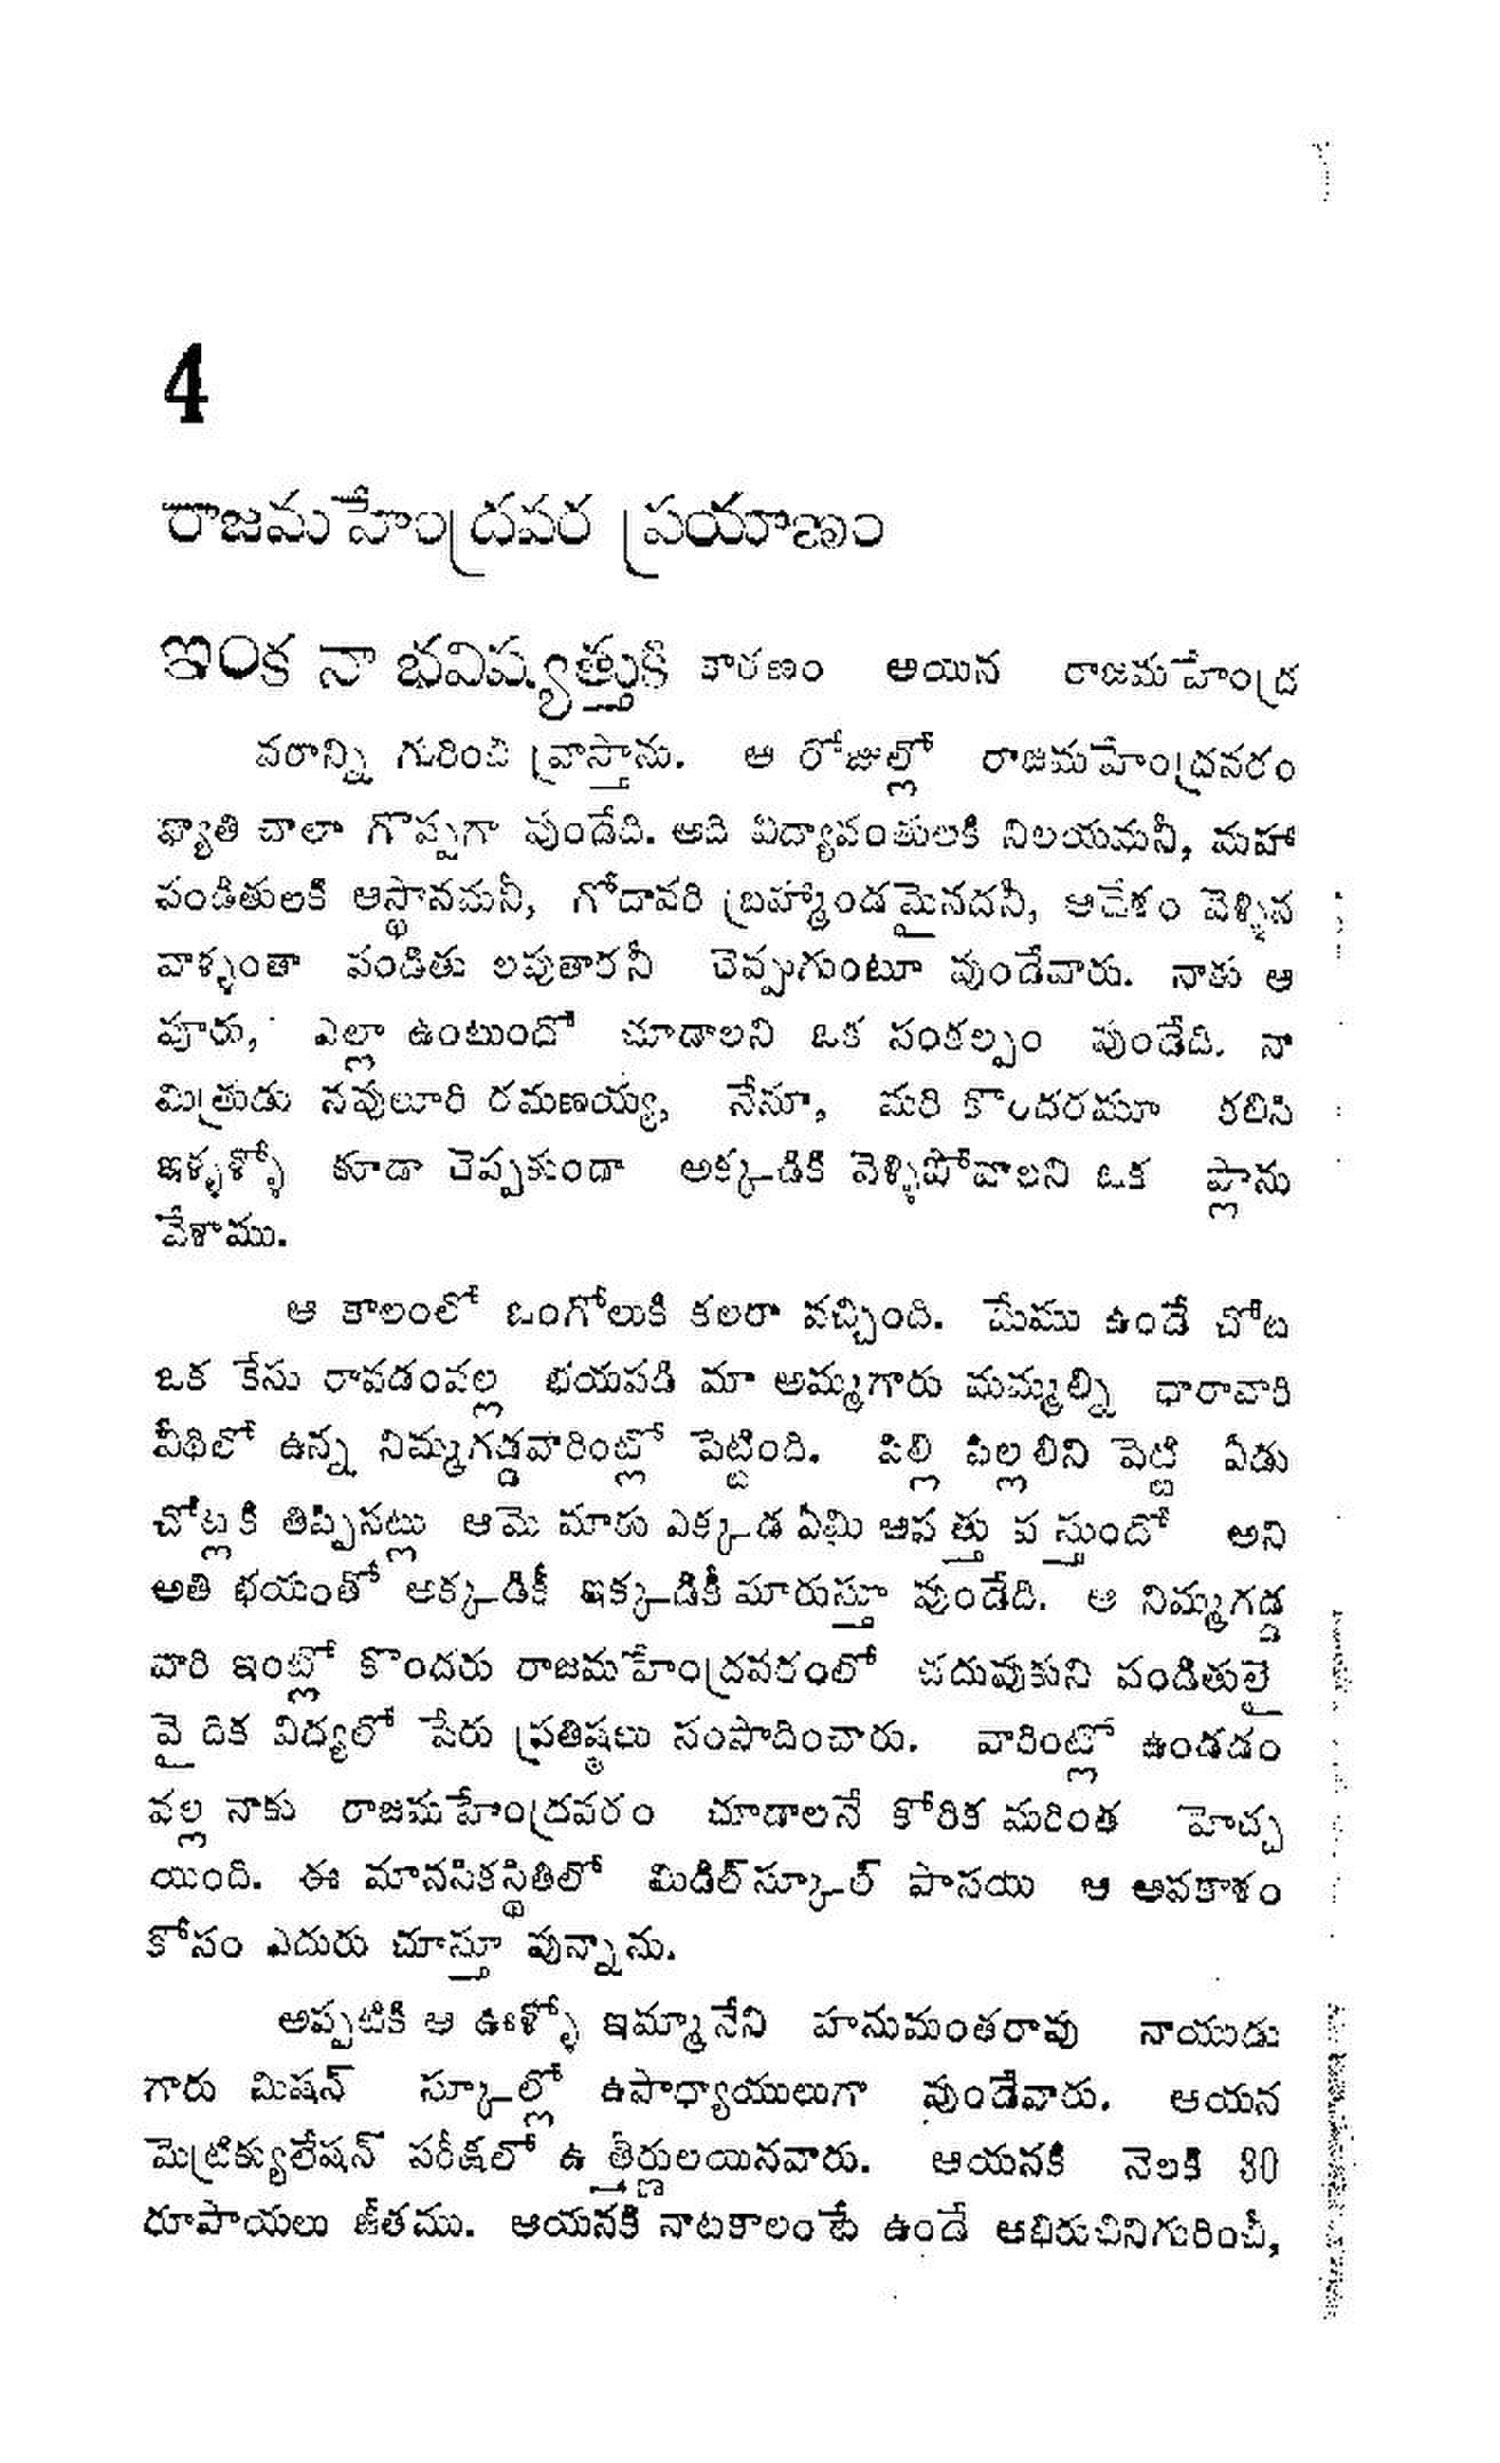ఇంక నా భవిష్యత్తుకి కారణం అయిన రాజమహేంద్రవరాన్ని గురించి వ్రాస్తాను. అది విద్యావంతులకి నిలయమనీ, మహా పండితులకి ఆస్థానమనీ, గోదావరి బ్రహ్మాండమైనదనీ, ఆదేశం తెలిసిన వాళ్ళంతా పండితులవుతారనీ చెప్పుగుంటూ వుండేవారు. నాకు ఆ వూరు, ఎల్లా ఉంటుందో చూడాలని ఒక సంకల్పం వుండేది. నా మిత్రుడు నవులూరి రమణయ్య, నేనూ, మరి కొందరమూ కలిసి ఇళ్ళళ్ళో కూడా చెప్పకుండా అక్కడికి వెళ్ళిపోవాలని ఒక ప్లాను వేశాము.

ఆ కాలంలో ఒంగోలుకి కలరా వచ్చింది. మేము ఉండే చోట ఒక కేసు రావడంవల్ల భయపడి మా అమ్మగారు మమ్మల్ని ధారావారి వీధిలో ఉన్న నిమ్మగడ్డవారింట్లో పెట్టింది. పిల్లి పిల్లలిని పెట్టి ఏడు చోట్లకి తిప్పినట్లు ఆమె మాకు ఎక్కడ ఏమి ఆపత్తు వస్తుందో అని అతి భయంతో అక్కడికీ ఇక్కడికీ మారుస్తూ వుండేది. ఆ నిమ్మగడ్డ వారి ఇంట్లో కొందరు రాజమహేంద్రవరంలో చదువుకుని పండితులై వైదిక విద్యలో పేరు ప్రతిష్ఠలు సంపాదించారు. వారింట్లో ఉండటం వల్ల నాకు రాజమహేంద్రవరం చూడాలనే కోరిక మరింత హెచ్చయింది. ఈ మానసికస్థితిలో మిడిల్‌స్కూల్ పాసయి ఆ అవకాశం కోసం ఎదురు చూస్తూ వున్నాను.

అప్పటికి ఆ ఊళ్ళో ఇమ్మానేని హనుమంతరావు నాయుడుగారు మిషన్ స్కూల్లో ఉపాధ్యాయులుగా వుండేవారు. ఆయన మెట్రిక్యులేషన్ పరీక్షలో ఉత్తీర్ణులయినవారు. ఆయనకి నెలకి 30 రూపాయలు జీతము. ఆయనకి నాటకాలంటే ఉండే అభిరుచిని గురించీ,